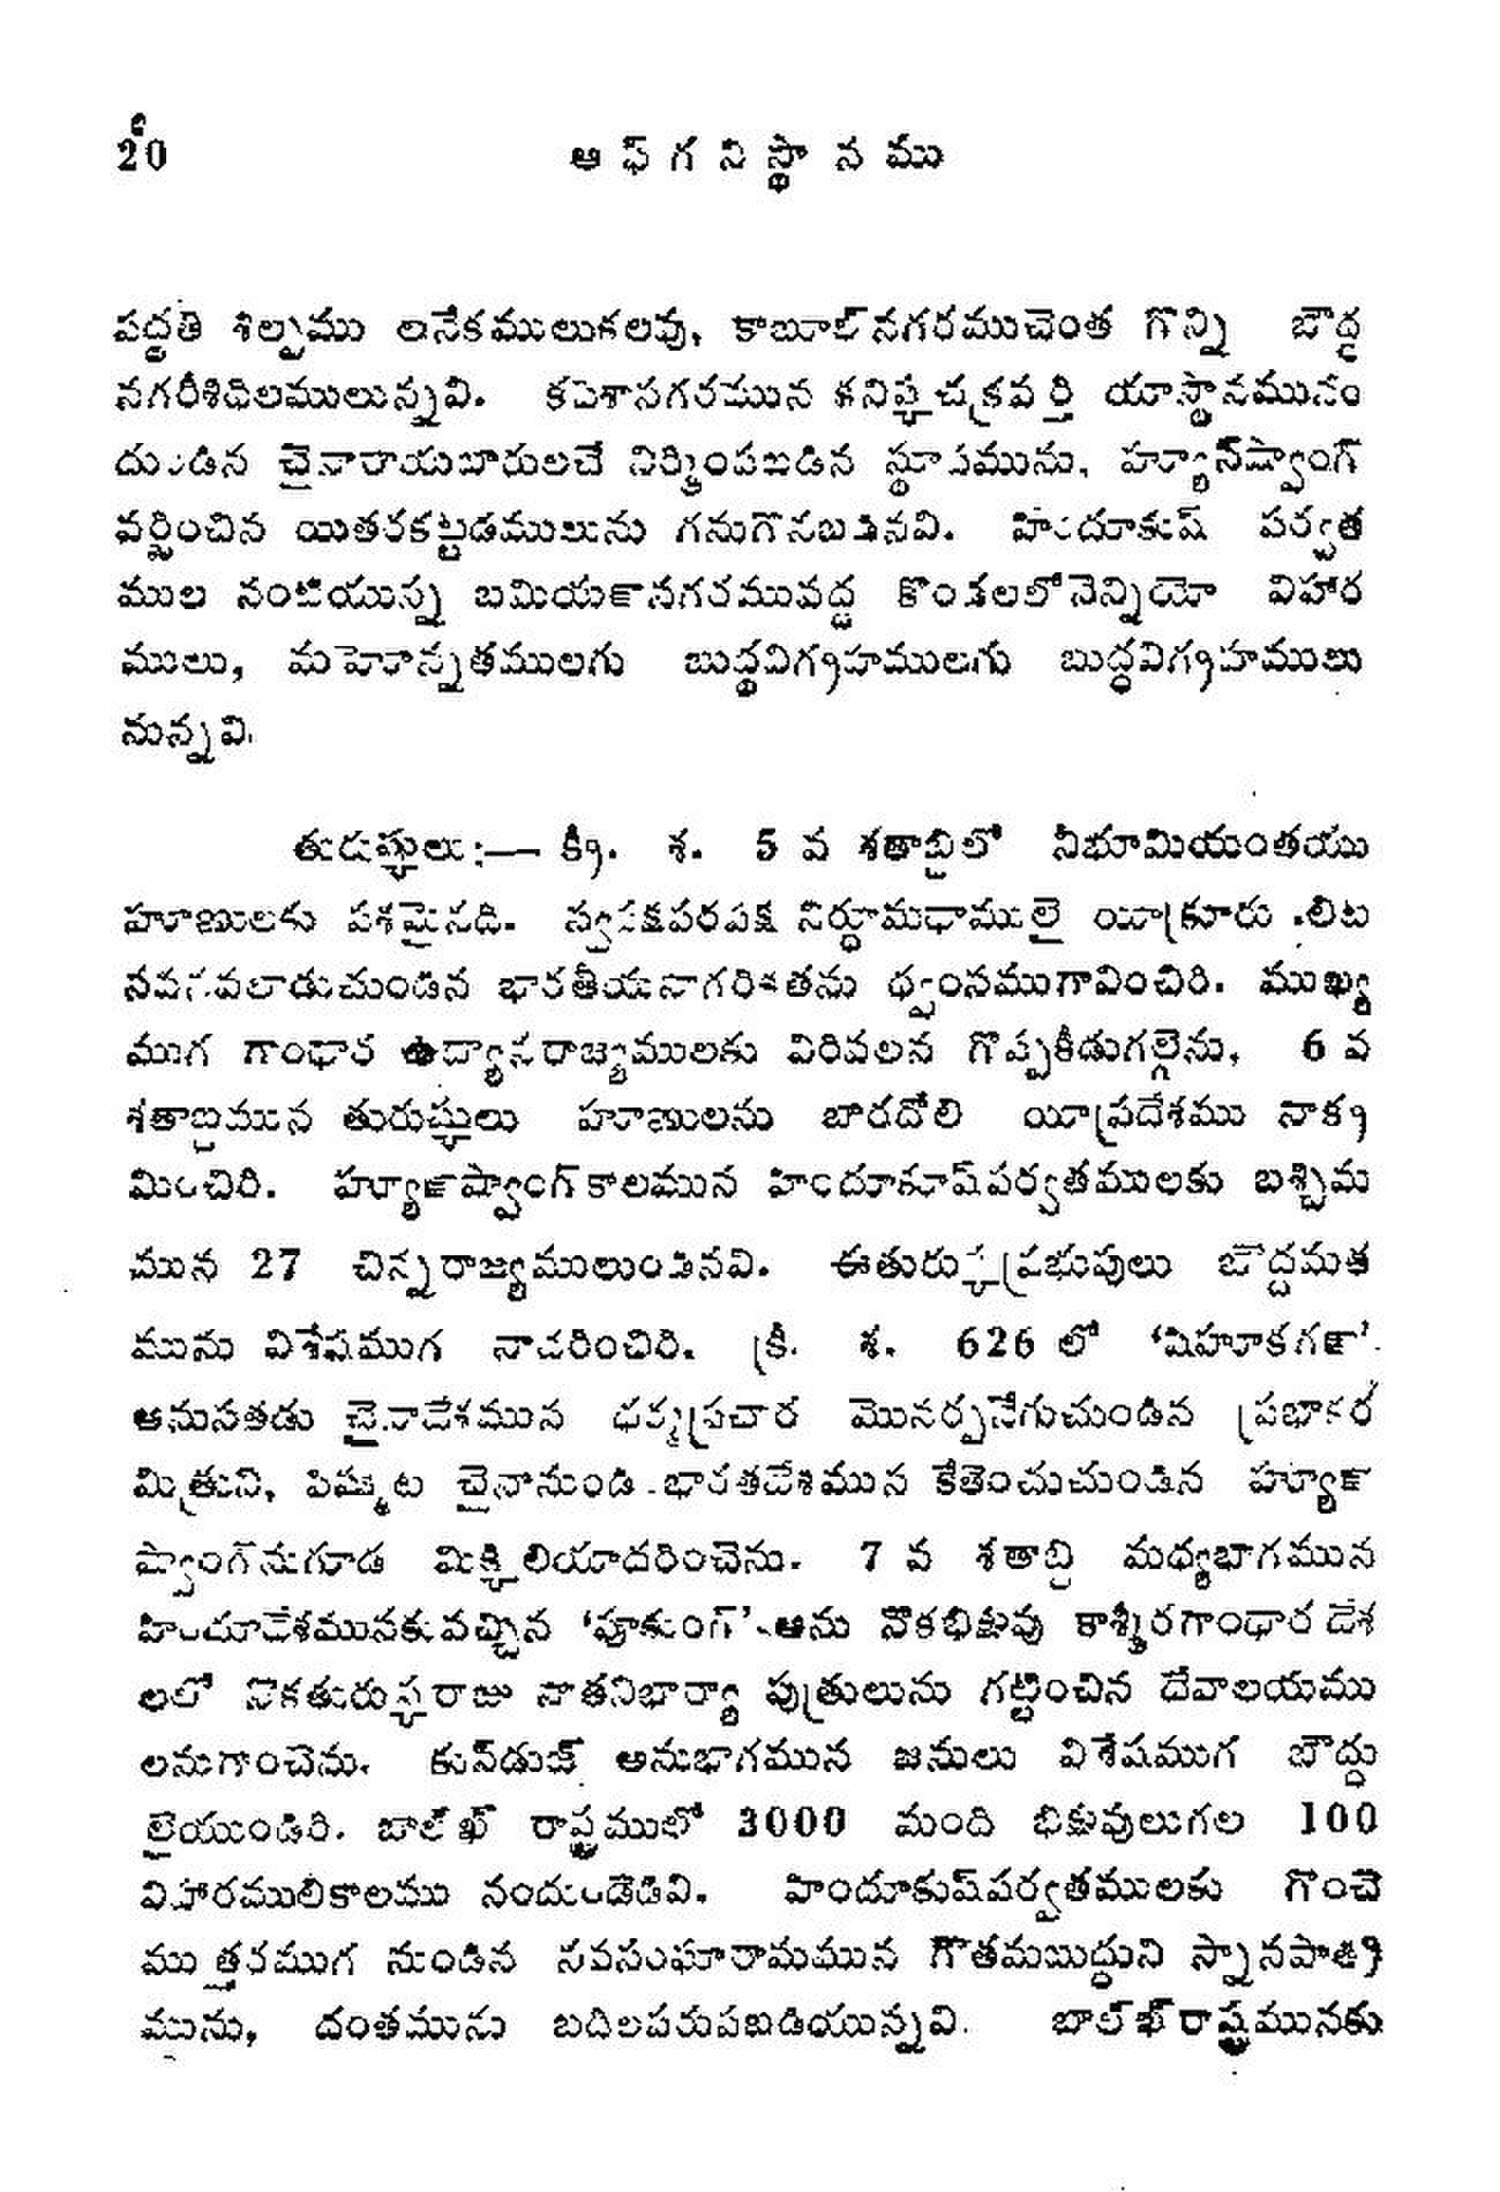పద్దతి శిల్పము లనేకములుకలవు. కాబూల్‌నగరముచెంత గొన్ని బౌద్ద నగరీశిదిలములున్నవి. కపిశానగరమున కనిష్క చక్రవర్తి యాస్థానమునందుండిన చైనారాయబారులచే నిర్మింపబడిన స్థూపమును, హ్యూన్‌ష్వాంగ్ వర్ణించిన యితరకట్టడములును గనుగొనబడినవి. హిందూకుష్ పర్వతముల నంటియున్న బమియన్ నగరమువద్ద కొండలలోనెన్నియో విహారములు, మహోన్నతములగు బుద్దవిగ్రహములగు బుద్దవిగ్రహములు నున్నవి.

తురుష్కులు :- క్రీ. శ. 5 వ శతాబ్దిలో నీభూమియంతయు హూణులకు వశమైనది. స్వపక్షపరపక్ష నిర్దూమధాములై యీక్రూరు లిట నవనవలాడుచుండిన భారతీయనాగరికతను ధ్వంసముగావించిరి. ముఖ్యముగ గాంధార ఉద్యానరాజ్యములకు వీరివలన గొప్పకీడుగల్గెను. 6 వ శతాబ్దమున తురుష్కులు హూణులను బారదోలి యీప్రదేశము నాక్రమించిరి. హ్యూన్‌ష్వాంగ్ కాలమున హిందూకూష్‌పర్వతములకు బశ్చిమమున 27 చిన్న రాజ్యములుండినవి. ఈ తురుష్కప్రభువులు బౌద్దమతమును విశేషముగ నాదరించిరి. క్రీ. శ. 626 లో 'షిహూకగన్‌' అనునతడు చైనాదేశమున ధర్మప్రచార మొనర్పనేగుచుండిన ప్రభాకరమిత్రుని, పిమ్మట చైనానుండి-భారతదేశమున కేతెంచుచుండిన హ్యూన్‌ష్వాంగ్‌నుగూడ మిక్కిలియాదరించెను. 7 వ శతాబ్ది మధ్యభాగమున హిందూదేశమునకు వచ్చిన 'పూకుంగ్‌' అను నొకభిక్షువు కాశ్మీరగాంధార దేశములలో నొకతురుష్కరాజు నాతనిభార్య పుత్రులును గట్టించిన దేవాలయములనుగాంచెను. కుస్‌డుజ్ అనుభాగమున జనులు విశేషముగ బౌద్దులైయుండిరి. బాల్‌ఖ్ రాష్ట్రములో 3000 మంది భిక్షువులుగల 100 విహారములీకాలము నందుండెడివి. హిందూకుష్‌పర్వతములకు గొంచెముత్తరముగ నుండిన నవసంఘారామమున గౌతమబుద్దుని స్నానపాత్రమును, దంతమును బదిలపరుపబడియున్నవి. బాల్‌ఖ్‌రాష్ట్రమునకు